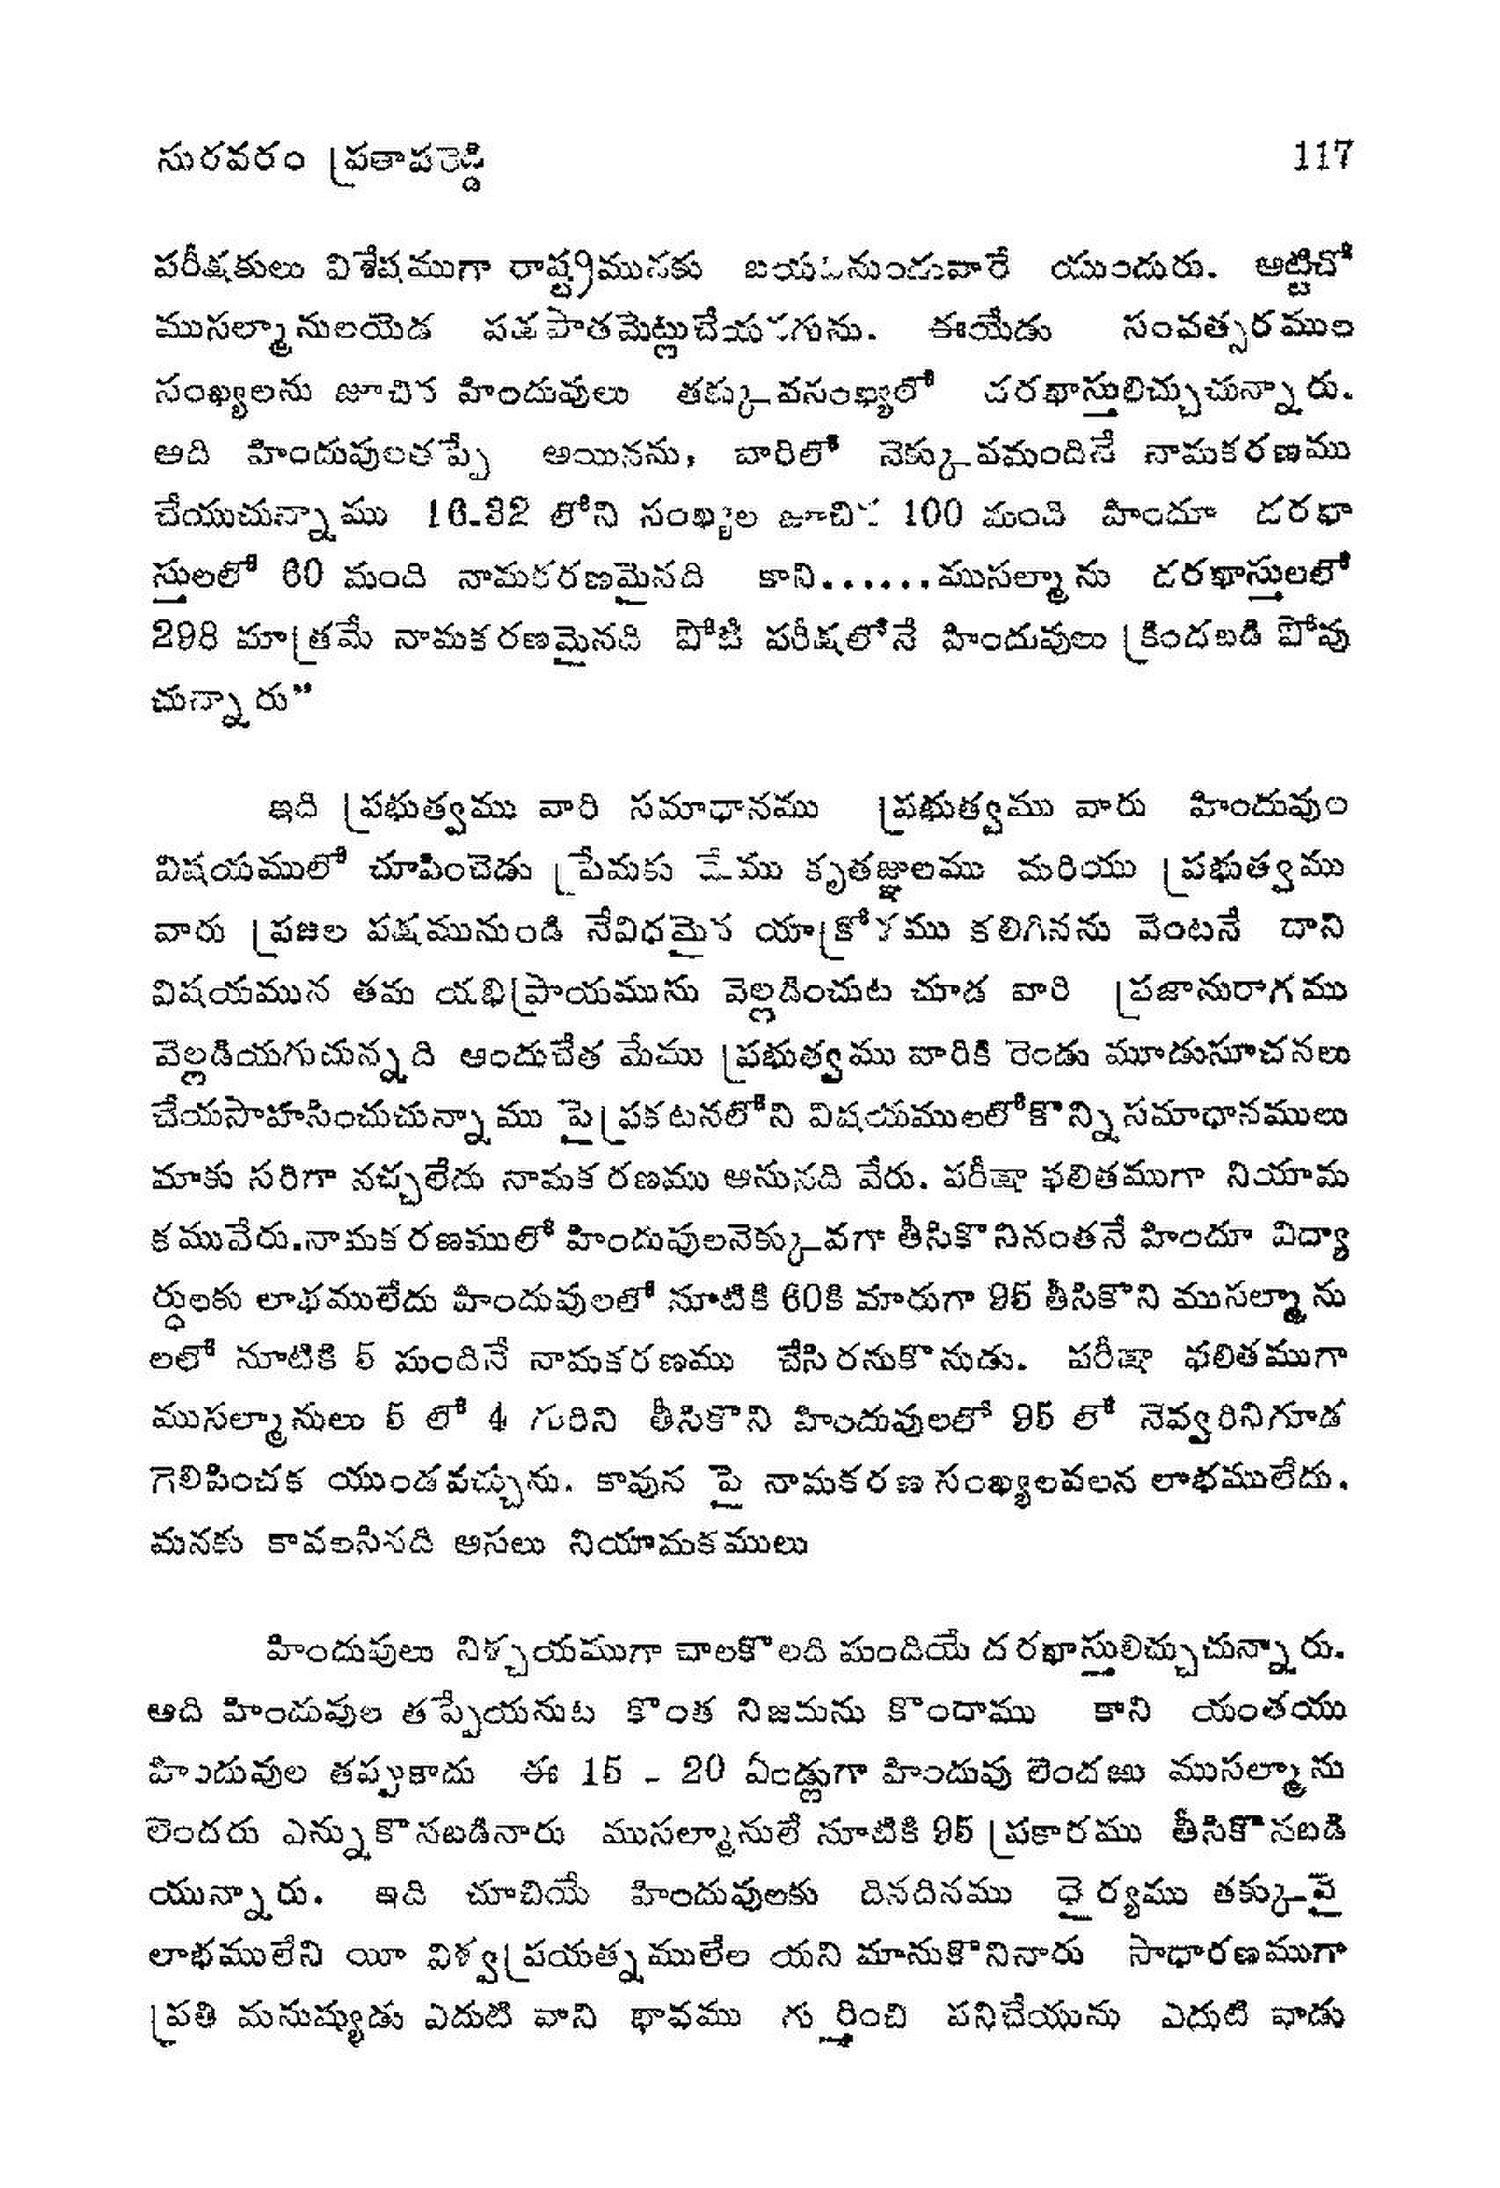పరీక్షకులు విశేషముగా రాష్ట్రమునకు బయటనుండువారే యుందురు. అట్టిచో ముసల్మానులయెడ పక్షపాతమెట్లుచేయనగును. ఈయేడు సంవత్సరముల సంఖ్యలను జూచిన హిందువులు తక్కువసంఖ్యలో దరఖాస్తులిచ్చుచున్నారు. అది హిందువులతప్పే అయినను, వారిలో నెక్కు వమందినే నామకరణము
చేయుచున్నాము 16-32 లోని సంఖ్యల జూచిన 100 మంది హిందూ దరఖాస్తులలో 60 మంది నామకరణమైనది కాని...... ముసల్మాను దరఖాస్తులలో 298 మాత్రమే నామకరణమైనది పోటీ పరీక్షలోనే హిందువులు క్రిందబడి పోవుచున్నారు”

ఇది ప్రభుత్వము వారి సమాధానము ప్రభుత్వము వారు హిందువుల విషయములో చూపించెడు ప్రేమకు మేము కృతజ్ఞులము మరియు ప్రభుత్వము వారు ప్రజల పక్షమునుండి నేవిధమైన యాక్రోశము కలిగినను వెంటనే దాని
విషయమున తమ యభిప్రాయమును వెల్లడించుట చూడ వారి ప్రజానురాగము వెల్లడియగుచున్నది అందుచేత మేము ప్రభుత్వము వారికి రెండు మూడుసూచనలు చేయసాహసించుచున్నాము పైప్రకటనలోని విషయములలోకొన్ని సమాధానములు మాకు సరిగా నచ్చలేదు నామకరణము అనునది వేరు. పరీక్షా ఫలితముగా నియామకమువేరు. నామకరణములో హిందువులనెక్కువగా తీసికొనినంతనే హిందూ విద్యార్ధులకు లాభములేదు హిందువులలో నూటికి 60కి మారుగా 95 తీసికొని ముసల్మానులలో నూటికి 5 మందినే నామకరణము చేసి రనుకొనుడు. పరీక్షా ఫలితముగా ముసల్మానులు 5 లో 4 గురిని తీసికొని హిందువులలో 95 లో నెవ్వరినిగూడ గెలిపించక యుండవచ్చును. కావున పై నామకరణ సంఖ్యలవలన లాభములేదు. మనకు కావలసినది అసలు నియామకములు

హిందువులు నిశ్చయముగా చాలకొలది మందియే దరఖాస్తులిచ్చుచున్నారు. అది హిందువుల తప్పేయనుట కొంత నిజమను కొందాము కాని యంతయు హిందువుల తప్పుకాదు ఈ 15 - 20 ఏండ్లుగా హిందువు లెందఱు ముసల్మాను లెందరు ఎన్నుకొనబడినారు ముసల్మానులే నూటికి 95 ప్రకారము తీసికొనబడి యున్నారు. ఇది చూచియే హిందువులకు దినదినము ధైర్యము తక్కువై లాభములేని యీ విశ్వప్రయత్నములేల యని మానుకొనినారు సాధారణముగా ప్రతి మనుష్యుడు ఎదుటి వాని భావము గుర్తించి పనిచేయును ఎదుటి వాడు